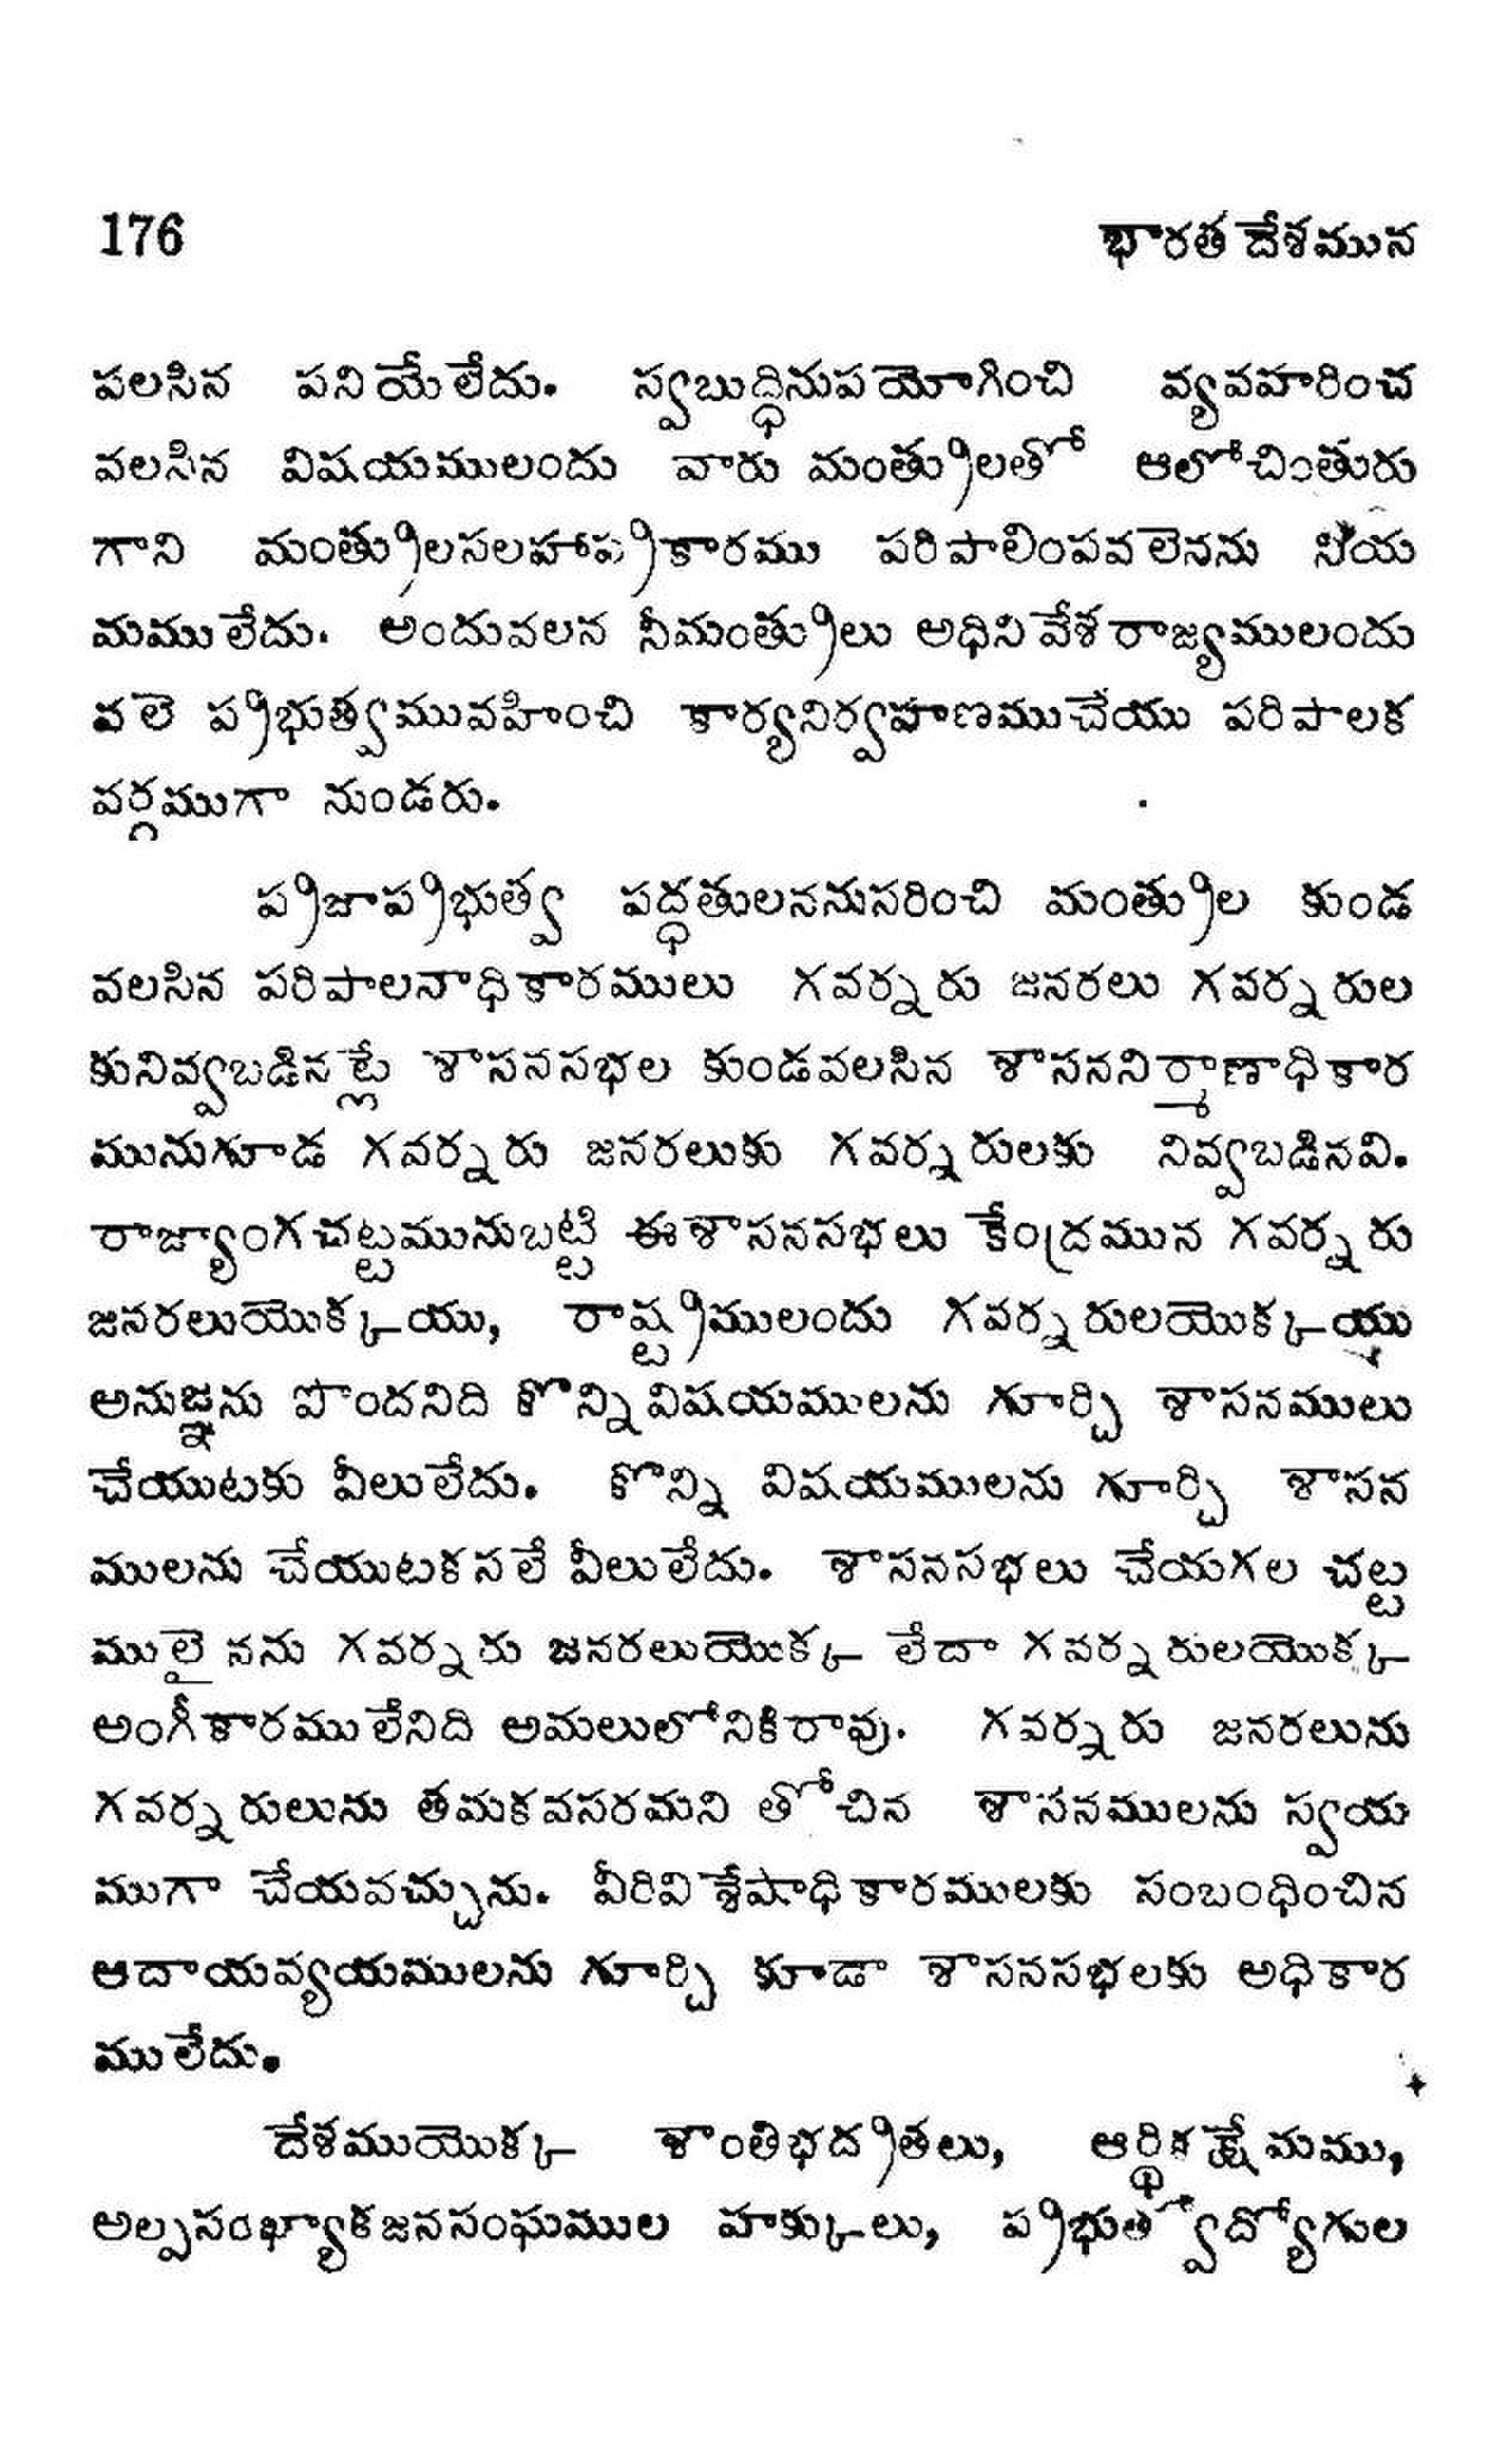వలసిన పనియేలేదు. స్వబుద్దినుపయోగించి వ్యవహరించవలసిన విషయములందు వారు మంత్రులతో ఆలోచింతురు గాని మంత్రులసలహాప్రకారము పరిపాలింపవలెనను నియమములేదు. అందువలన నీమంత్రులు అధినివేశరాజ్యములందువలె ప్రభుత్వమువహించి కార్యనిర్వహణముచేయు పరిపాలక వర్గముగా నుండరు.

ప్రజాప్రభుత్వ పద్ధతులననుసరించి మంత్రుల కుండవలసిన పరిపాలనాధికారములు గవర్నరు జనరలు గవర్నరులకు నివ్వబడినట్లే శాసనసభల కుండవలసిన శాసననిరాణాధికారమునుగూడ గవర్నరు జనరలుకు గవర్నరులకు నివ్వబడినవి. రాజ్యాంగచట్టమునుబట్టి ఈశాసనసభలు కేంద్రమున గవర్నరు జనరలుయొక్కయు, రాష్ట్రములందు గవర్నరులయొక్కయు అనుజ్ఞను పొందనిది కొన్నివిషయములను గూర్చి శాసనములు చేయుటకు వీలులేదు. కొన్ని విషయములను గూర్చి శాసనములను చేయుటకసలే వీలులేదు. శాసనసభలు చేయగల చట్టములైనను గవర్నరు జనరలుయొక్క లేదా గవర్నరులయొక్క అంగీకారములేనిది అమలులోనికిరావు. గవర్నరు జనరలును గవర్నరులును తమకవసరమని తోచిన శాసనములను స్వయముగా చేయవచ్చును. వీరివిశేషాధికారములకు సంబంధించిన ఆదాయవ్యయములను గూర్చి కూడా శాసనసభలకు అధికారములేదు.

దేశముయొక్క శాంతిభద్రతలు, ఆర్థికక్షేమము, అల్పసంఖ్యాకజనసంఘముల హక్కులు, ప్రభుత్వోద్యోగుల